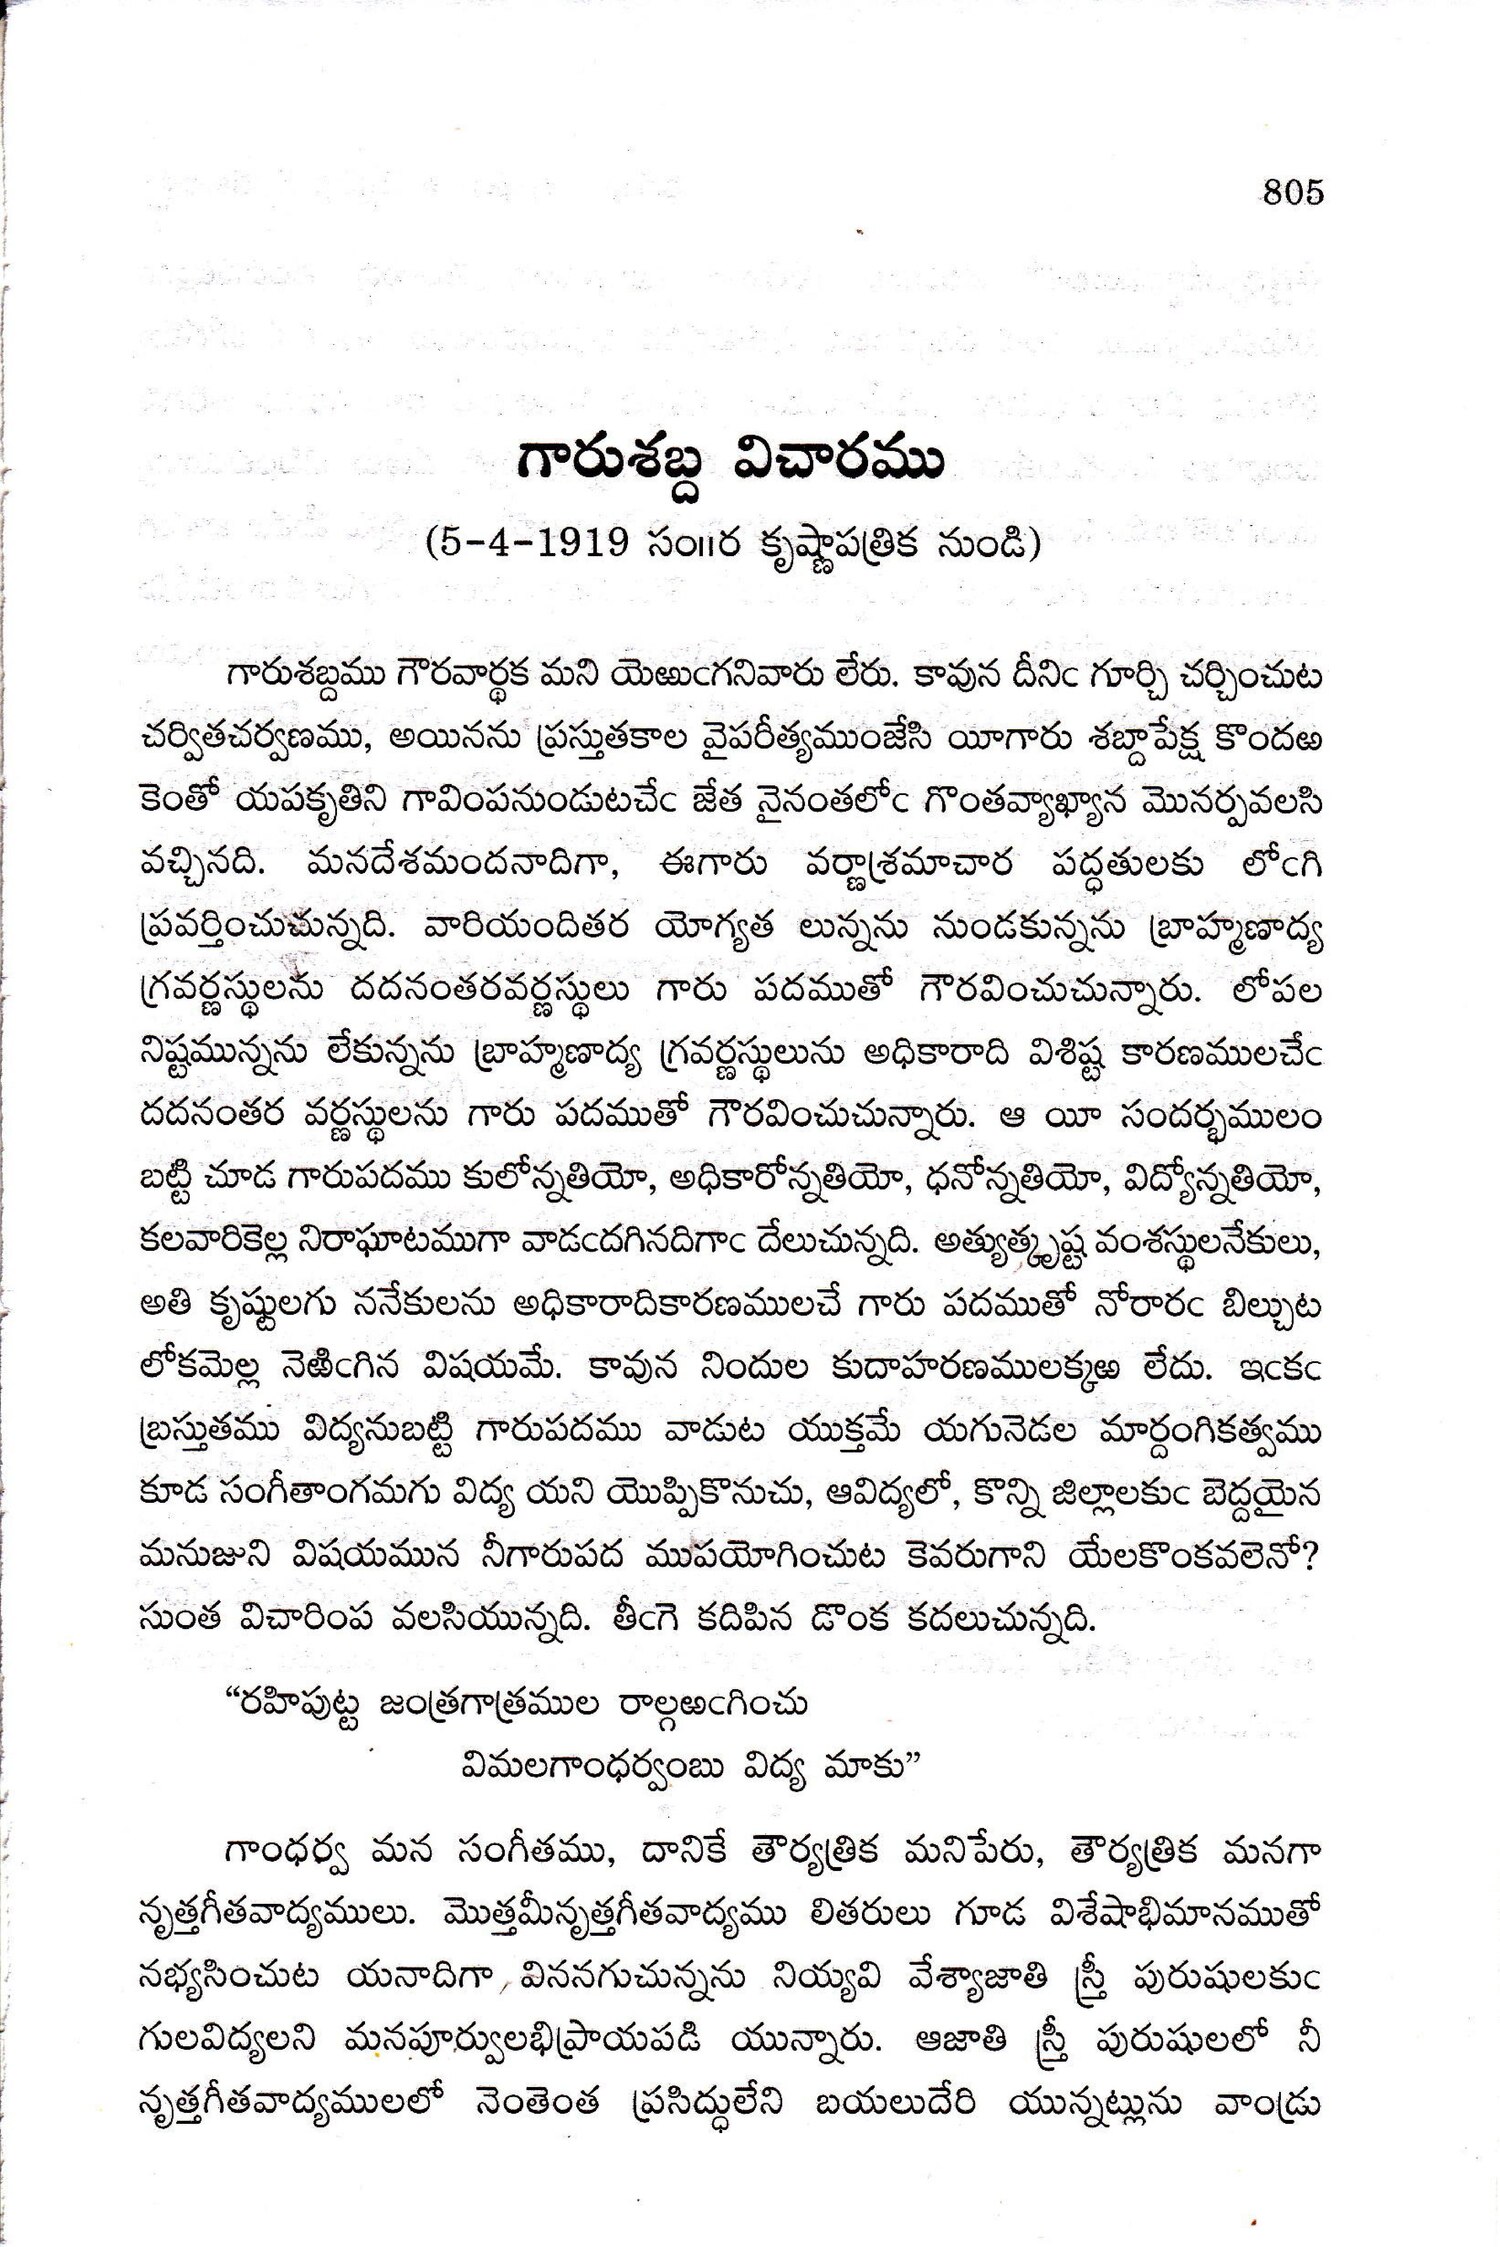గారుశబ్ద విచారము 
(5-4-1919 సం||ర కృష్ణాపత్రిక నుండి)

గారుశబ్దము గౌరవార్ధక మని యెఱుఁగనివారు లేరు. కావున దీనిఁ గూర్చి చర్చించుట చర్వితచర్వణము, అయినను ప్రస్తుతకాల వైపరీత్యముంజేసి యీగారు శబ్దాపేక్ష కొందఱ కెంతో యపకృతిని గావింపనుండుటచేఁ జేత నైనంతలోఁ గొంతవ్యాఖ్యాన మొనర్చవలసి వచ్చినది. మనదేశమందనాదిగా, ఈగారు వర్ణాశ్రమాచార పద్ధతులకు లోఁగి ప్రవర్తించుచున్నది. వారియందితర యోగ్యత లున్నను నుండకున్నను బ్రాహ్మణాద్య గ్రవర్ణస్థులను దదనంతరవర్ణస్థులు గారు పదముతో గౌరవించుచున్నారు. లోపల నిష్టమున్నను లేకున్నను బ్రాహ్మణాద్య గ్రవర్ణస్థులును అధికారాది విశిష్ట కారణములచేఁ దదనంతర వర్ణస్థులను గారు పదముతో గౌరవించుచున్నారు. ఆ యీ సందర్భములం బట్టి చూడ గారుపదము కులోన్నతియో, అధికారోన్నతియో, ధనోన్నతియో, విద్యోన్నతియో, కలవారికెల్ల నిరాఘాటముగా వాడఁదగినదిగాఁ దేలుచున్నది. అత్యుత్కృష్ట వంశస్థులనేకులు, అతి కృష్టులగు ననేకులను అధికారాదికారణములచే గారు పదముతో నోరారఁ బిల్చుట లోకమెల్ల నెఱిఁగిన విషయమే. కావున నిందుల కుదాహరణములక్కఱ లేదు. ఇఁకఁ బ్రస్తుతము విద్యనుబట్టి గారుపదము వాడుట యుక్తమే యగునెడల మార్దంగికత్వము కూడ సంగీతాంగమగు విద్య యని యొప్పికొనుచు, ఆవిద్యలో, కొన్ని జిల్లాలకుఁ బెద్దయైన మనుజుని విషయమున నీగారుపద ముపయోగించుట కెవరుగాని యేలకొంకవలెనో? సుంత విచారింప వలసియున్నది. తీఁగె కదిపిన డొంక కదలుచున్నది.

"రహిపుట్ట జంత్రగాత్రముల రాల్గఱఁగించు
 విమలగాంధర్వంబు విద్య మాకు”
గాంధర్వ మన సంగీతము, దానికే తౌర్యత్రిక మనిపేరు, తౌర్యత్రిక మనగా నృత్తగీతవాద్యములు. మొత్తమీనృత్తగీతవాద్యము లితరులు గూడ విశేషాభిమానముతో నభ్యసించుట యనాదిగా, విననగుచున్నను నియ్యవి వేశ్యాజాతి స్త్రీ పురుషులకుఁ గులవిద్యలని మనపూర్వులభిప్రాయపడి యున్నారు. ఆజాతి స్త్రీ పురుషులలో నీ నృత్తగీతవాద్యములలో నెంతెంత ప్రసిద్దులేని బయలుదేరి యున్నట్లును వాండ్రు